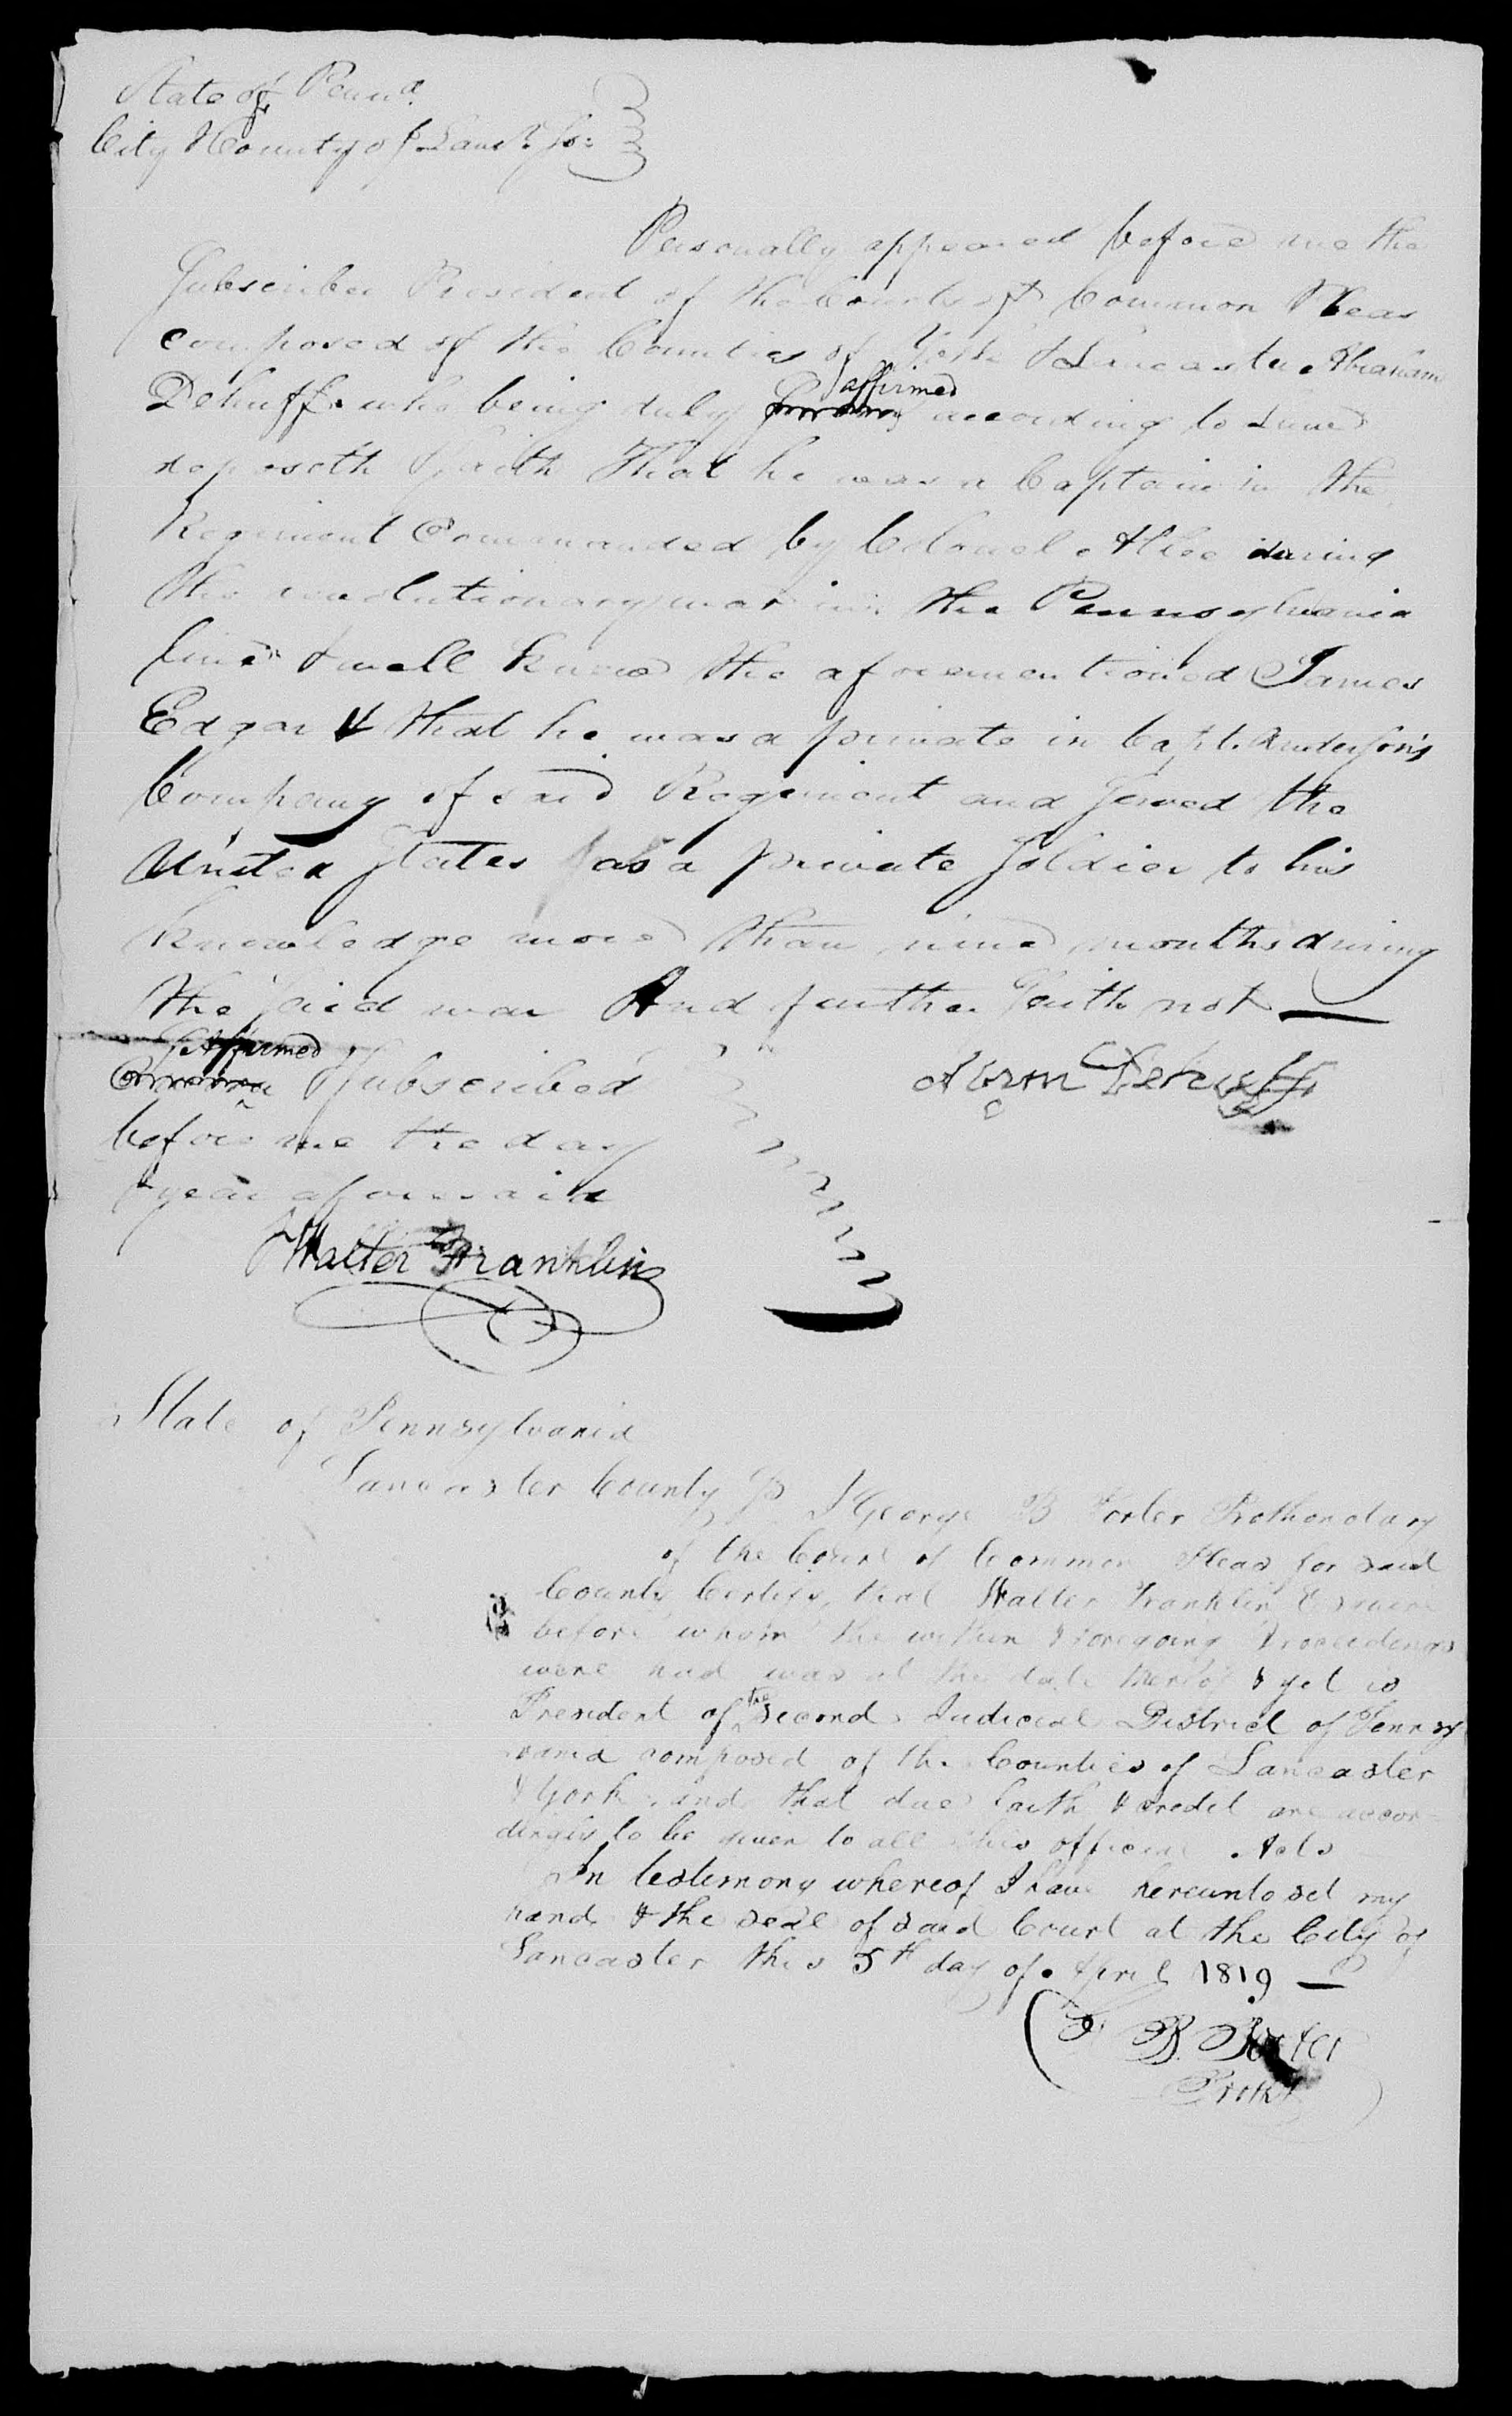State of Penn.
City & County of Saint Js:

Personally appeared before me the Subscriber President of the Courts of Common Pleas composed of the Counties of York & Lancaster Abraham Dehuff who being duly affirmed according to law deposeth facts that he was a Captain in the Regiment Commanded by Colonel Atlee during the revolutionary war in the Pennsylvania line & well knows the aforementioned James Edgar & that he was a private in Capt. Anderson's company of said Regiment and served the United States as a private soldier to his knowledge more than nine months during the said war. And further saith not --
[signed] Abrm Dehoff

Affirmed & Subscribed before me the day & year aforesaid
[signed] Walter Franklin

State of Pennsylvania
Lancaster County, Pa, I George B Foster Prothonotary of the Court of Common Pleas for said County certify that Walter Franklin Esquire before whom the written ongoing proceedings were read was at the date [illeg.] & yet is president of the Second Judicial District of Pennsylvania composed of the Counties of Lancaster & York and that due forth & credit one accordingly to be given to all his officers [illeg.] 
In testimony whereof I have hereunto set my hand & the seal of said Court at the City of Lancaster this 5th day of June 1819 --

[signed] G. B. Foster
Proth.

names: Walter Franklin, Walter Franklin, G B Foster, George B Foster, Abraham Dehuff, James Edgar, Abrm Dehuff, Altee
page: 7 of 74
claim: widow's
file: W. 9422, James Edgar, Penn.